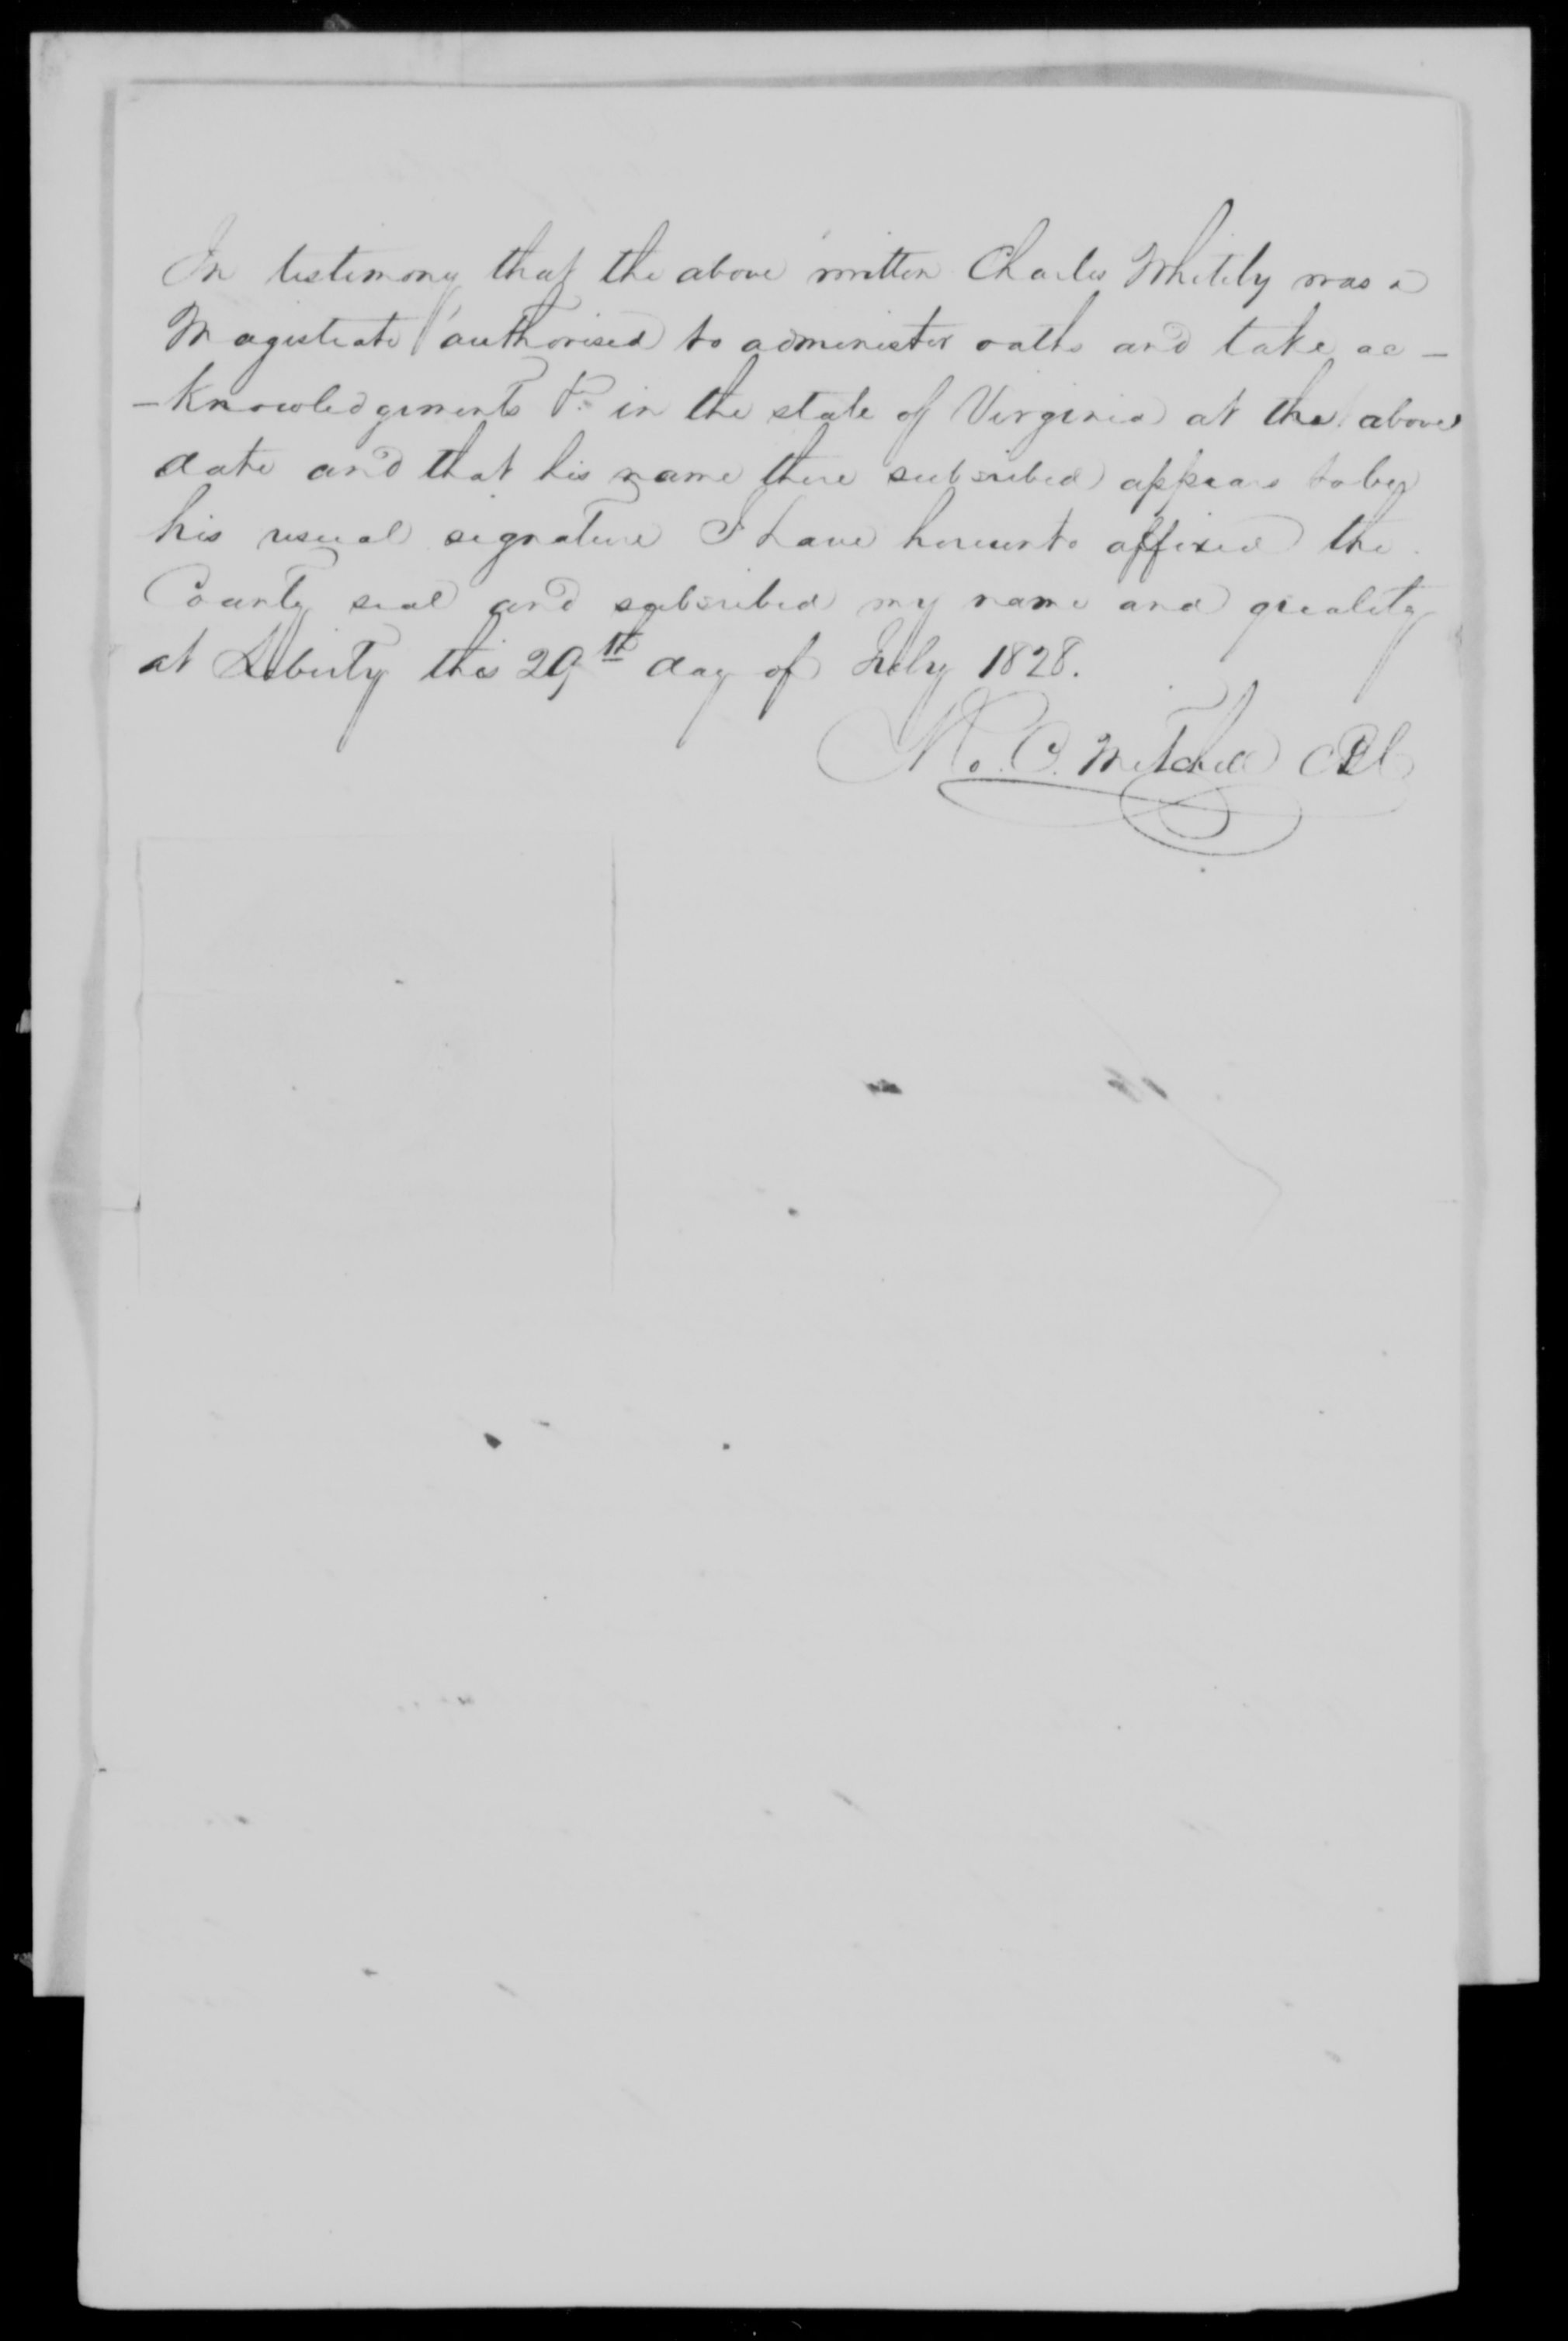In testimony that the above written Charles Whitely was a
Magistrate authorised to administer oath and take acknowledgements
& in the state of Virginia at the above
date and that his name there subscribed appears to be
his usual signature I have herewith affixed the
County seal and subscribed my name and quality
at Liberty this 29th day of July 1828.
Ro. C. Mitchell Clk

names: Charles Whitely, Ro C Mitchell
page: 7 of 8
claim: bounty land warrant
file: B. L. Wt. 1363-100, John Williams, Md.